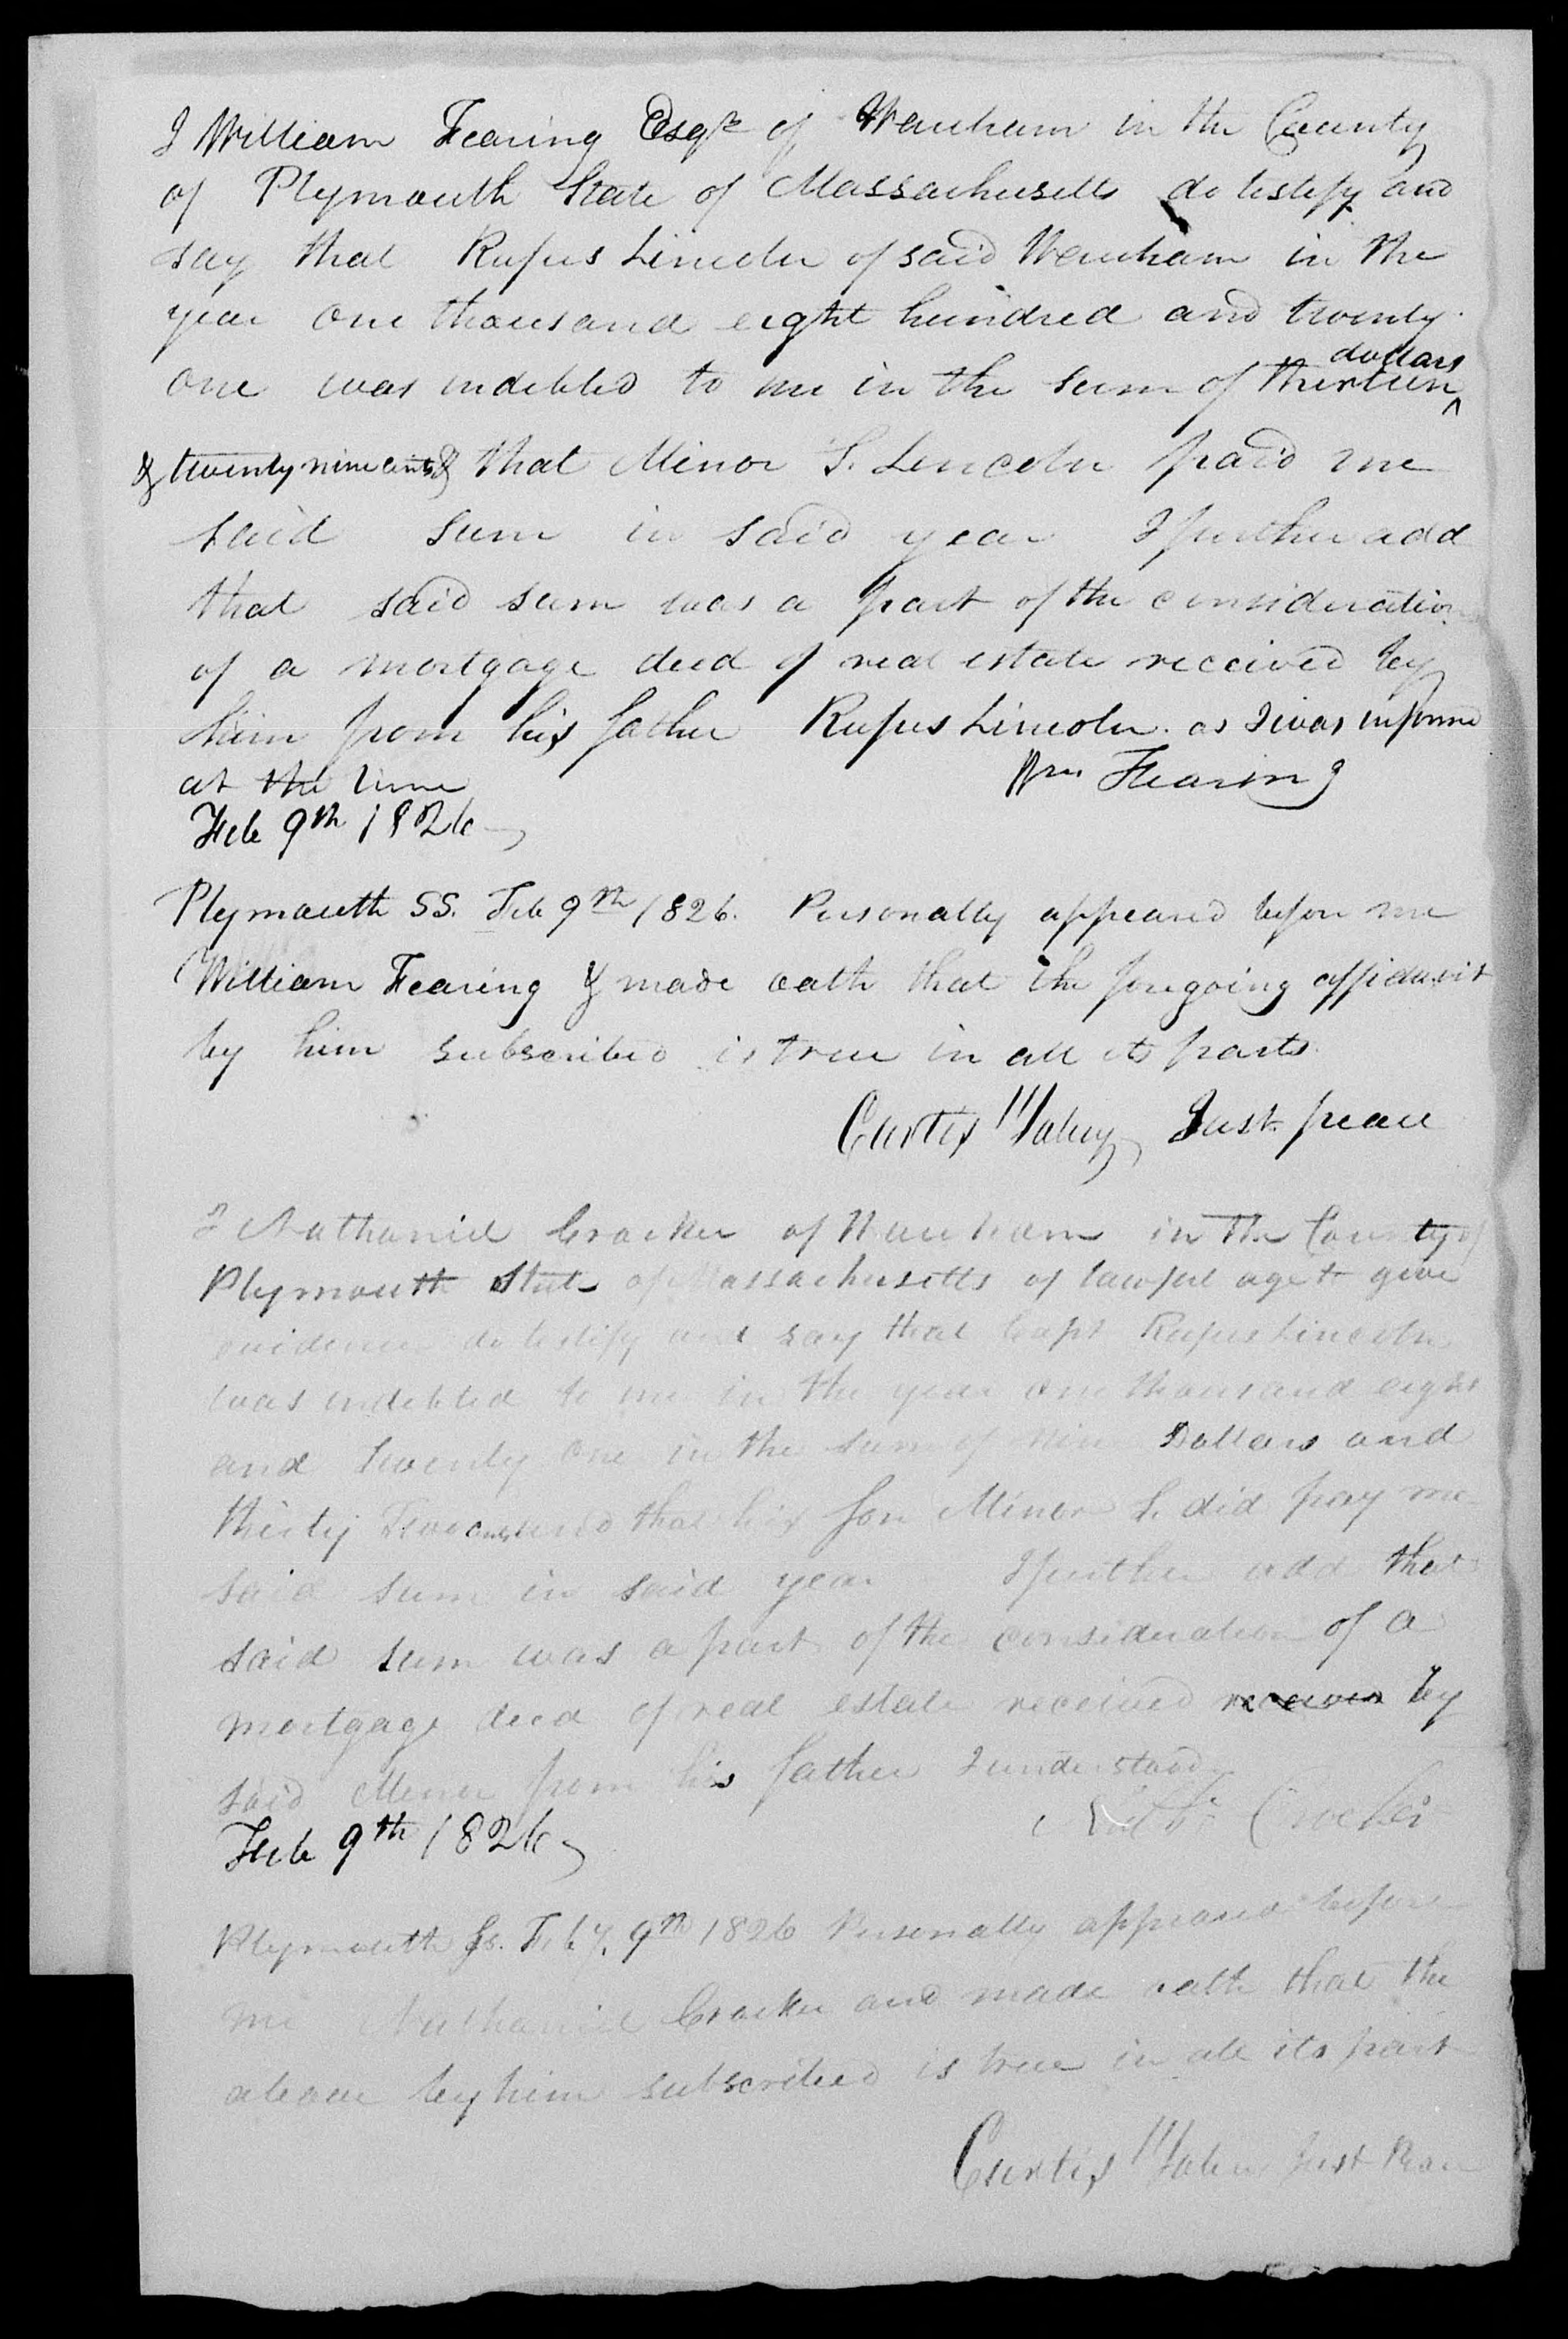I William Fearing Esqr of Wareham in the County of Plymouth State of Massachusetts do testify and say that Rufus Lincolnr of said Wareham in the year one thousand eight hundred and twenty one was indebted to me in the sum of thirteen dollars and
twenty nine cents & that Minor S. Lincoln paid me said sum in said year. I further add
that said sum was a part of the consideration
of a mortgage deed of real estate received by
him from his father Rufus Lincoln as I was informed at the time
Feb 9th 1826,

Wm Fearing
Plymouth SS. Feb 9th 1826 Personally appeared before me William Fearing & made oath that the foregoing affidavit by him subscribed is true in all its parts
Curtis Tobey,  Just. peace

I Nathaniel Crocker of Wareham in the County of Plymouth State of Massachusetts of lawful age to give evidence do testify and say that Capt Rufus Lincoln was indebted to me in the year one thousand eight and twenty one in the sum of nine Dollars and thirty five cents and that his son Minor L. did pay me said sum in said year. I further add that said sum was a part of the consideration of a Mortgage deed of real estate received by said Minor from his father I understand.
Nathaniel Crocker
Feb 9th 1826
Plymouth Ss. Feb 9th 1826 personally appeared before me Nathaniel Crocker and made oath that the above by him subscribed is true in all its parts.
Curtis Tobey,  Just. Peace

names: Nathaniel Crocker; William Fearing; Rufus Lincoln; Curtis Tobey; Minor S Lincoln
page: 76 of 82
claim: widow's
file: W. 13,634, for Rufus Lincoln, Massachusetts